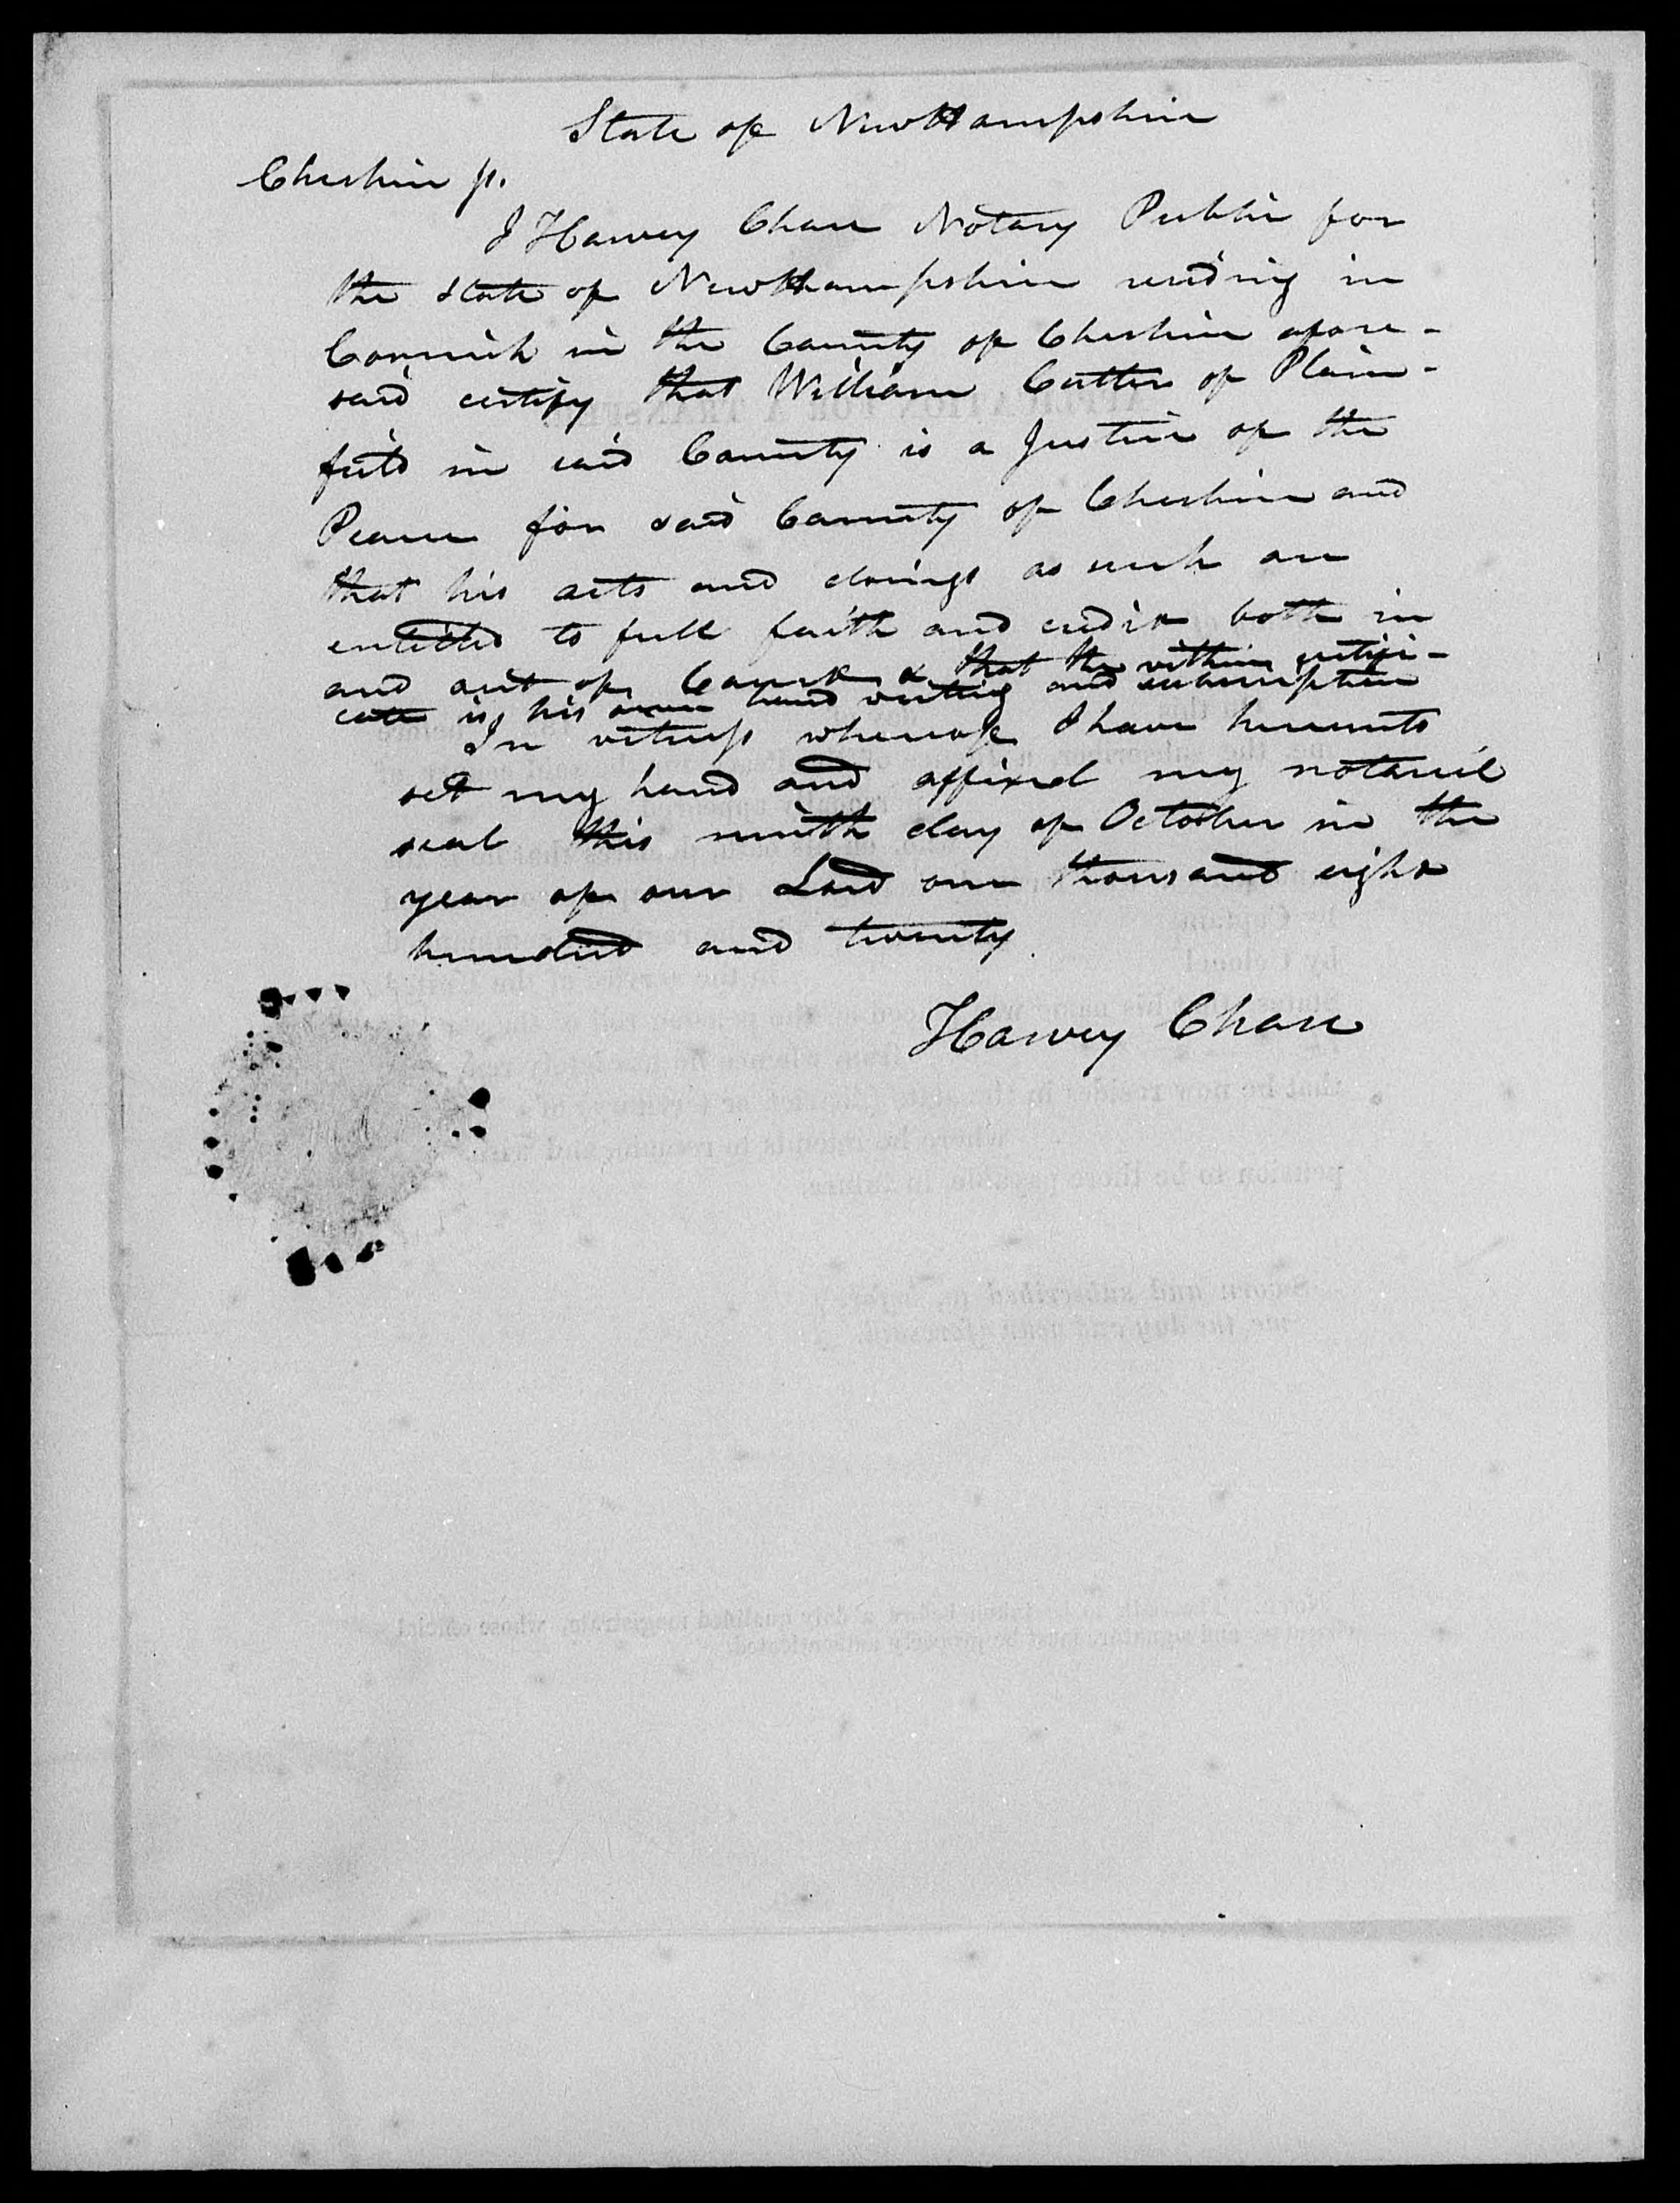State of New Hampshire
Cheshire fs.

I Harvey Chase Notary Public for the State of New Hampshire residing in Cornish in the County of Cheshire aforesaid certify that William Cutler of Plainsfield in said County is a Justice of the Peace for said County of Cheshire and that his acts and doings as such are entitled to full faith and credit both in and out of Court & that the within certificate is his own hand writing and subscription

In witnefs whereof I have hereunto set my hand and affixed my notarial seal this ninth day of October in the year of our Lord one thousand eight hundred and twenty
Harvey Chase

[illegible seal affixed in lower left corner of page]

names: Harvey Chase; William Cutler; Harvey Chase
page: 13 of 38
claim: survivor's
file: S. 43181, for Ezekiel Stone, New Hampshire